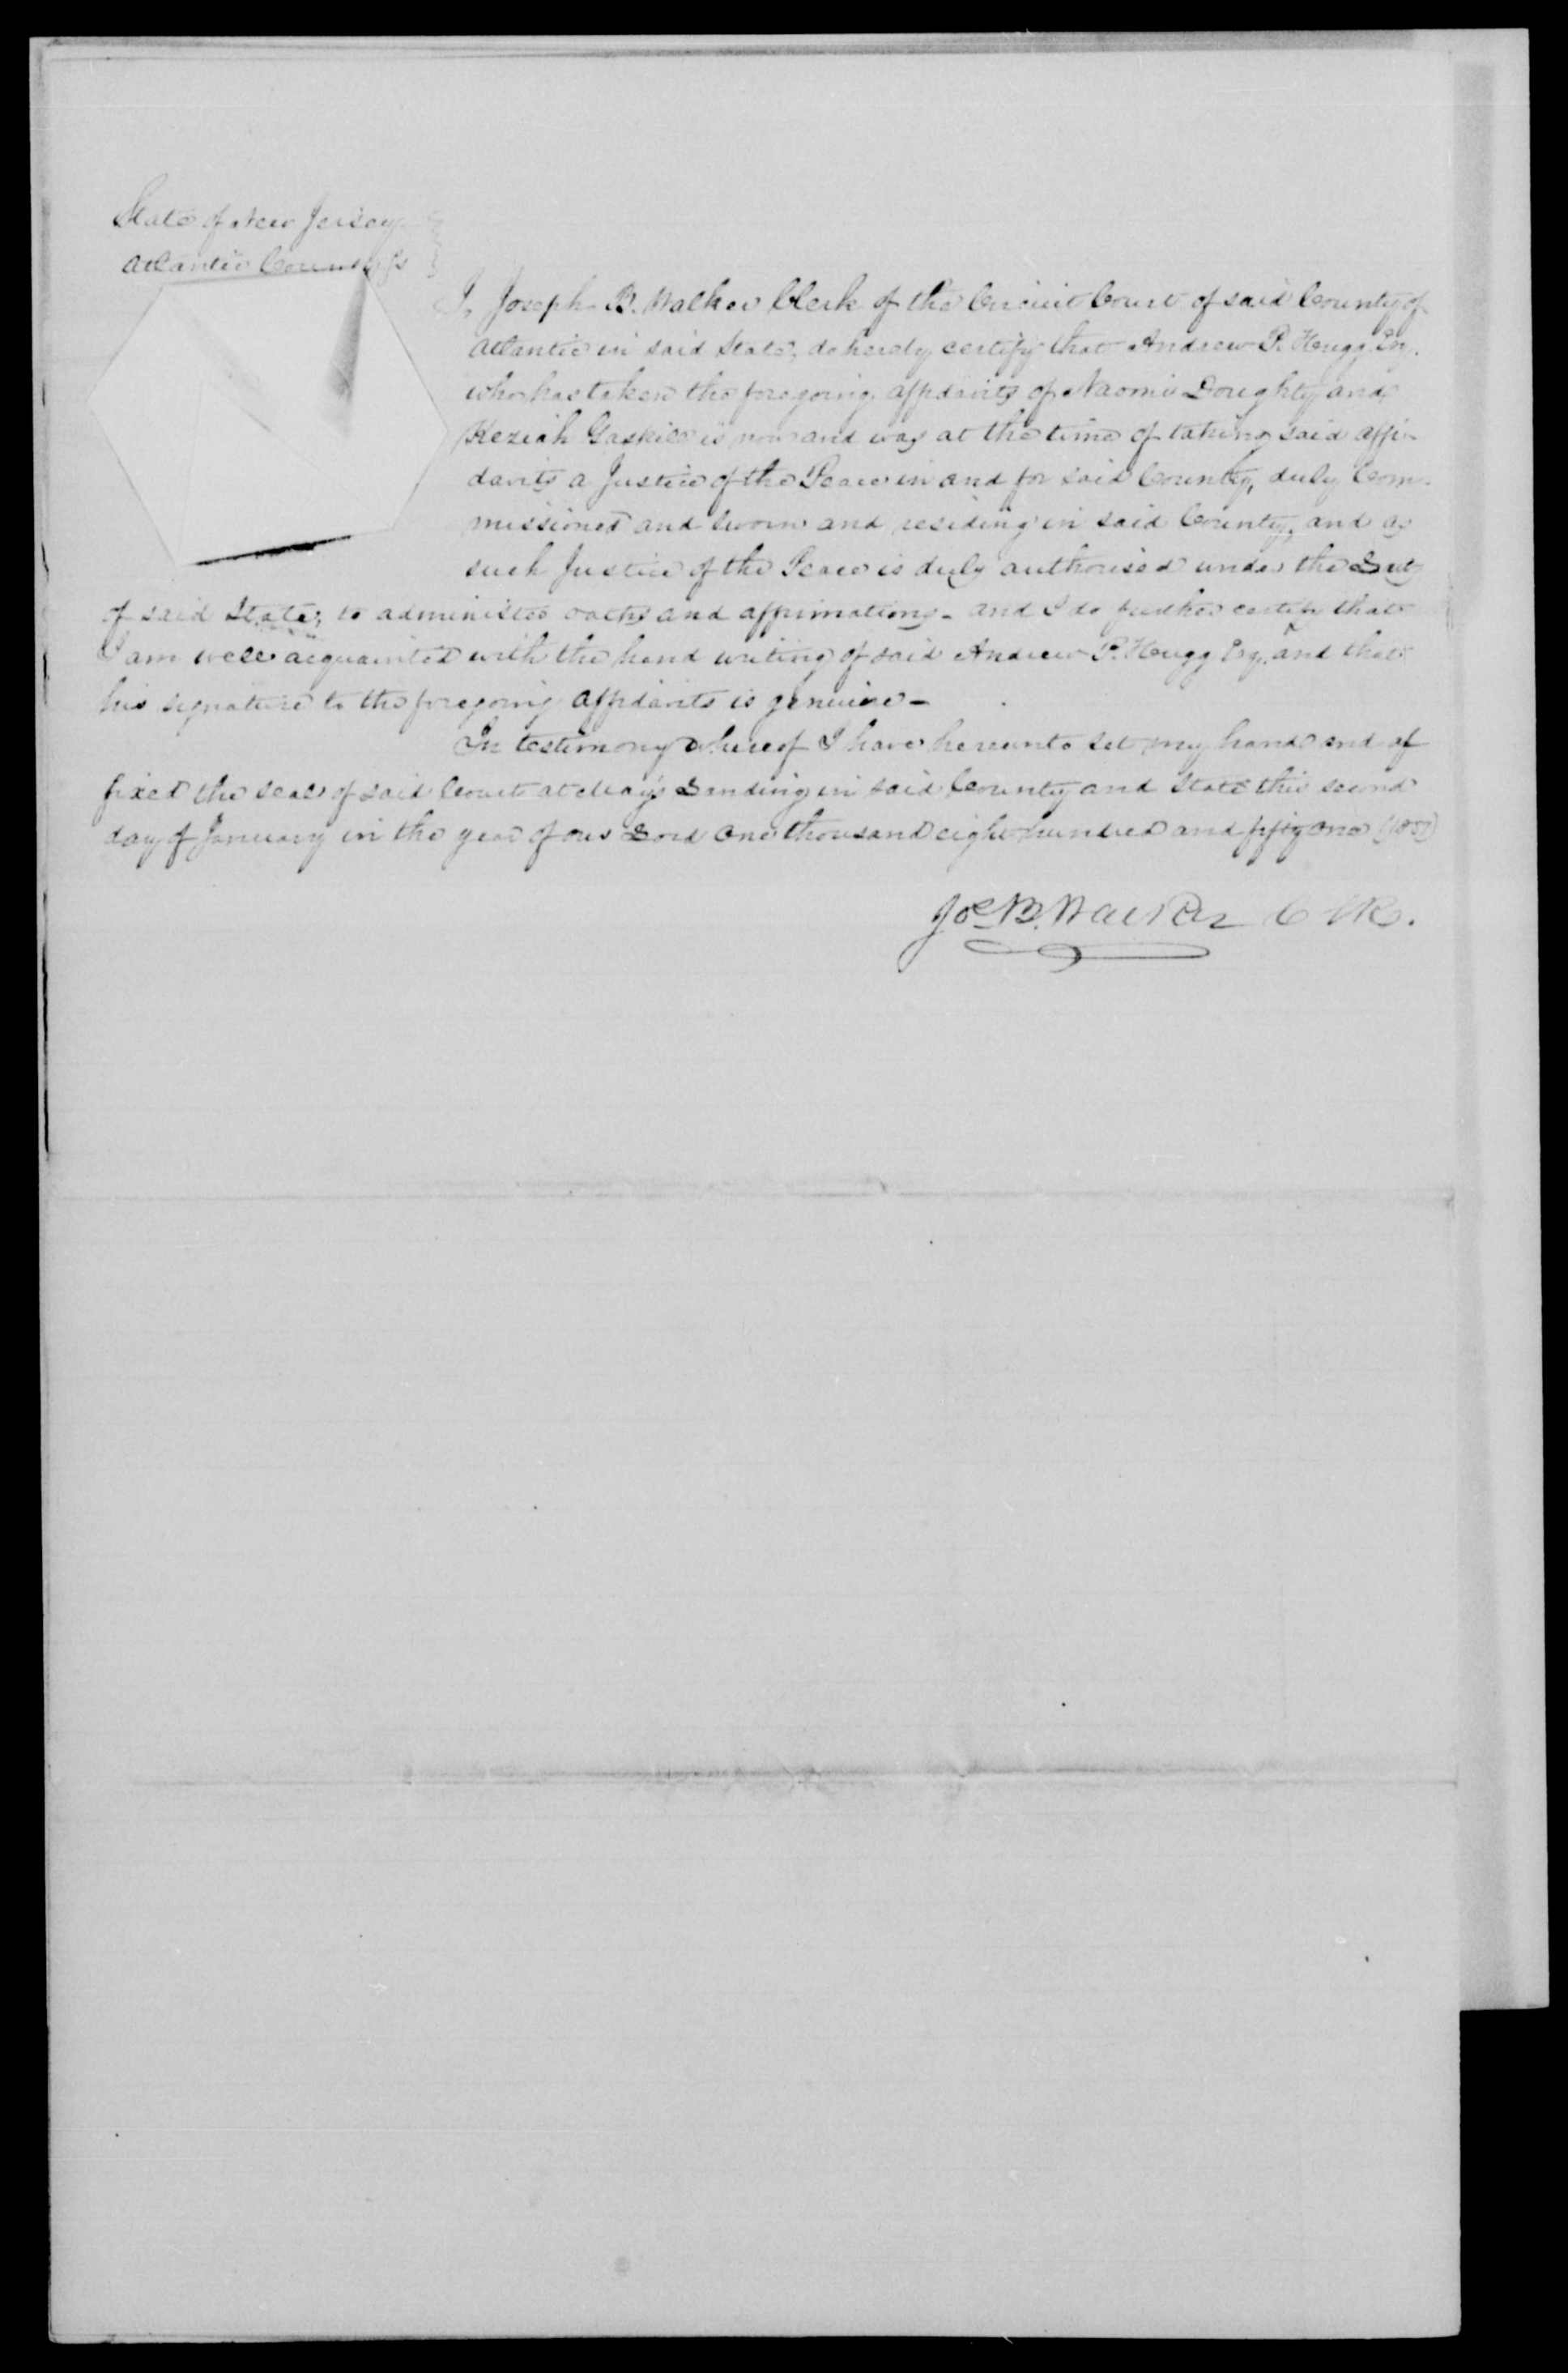State of New Jersey
Atlantic County

I, Joseph B. Walker Clerk of the Circuit Court of said County of Atlantic in the said State, do hereby certify that Andrew P. Hougg Esq who has taken the foregoing affidavit of Naomi Doughty and Keziah Gaskill is now and was at the time of taking said affidavit, a Justice of the Peace in and for said County, duly Commissioned and sworn and residing in said County, and as such Justice of the Peace is duly authorised under the Secy of said State to administer oaths and affirmations and I do further certify that I am well acquainted with the hand writing of said Andrew P. Hougg Esq, and that his signature to the foregoing affidavit is genuine.
In testimony where of I have hereunto set my hand and affixed the seal of said Court at May’s Landing in said County and State this ninth day of January in the year of our Lord one thousand eight hundred and fifty one (1851)

[signed]
Jos B. Walker. Clk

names: Joseph G Walker; Andrew P Hugg; Keziah Gaskill; Andrew P Hugg; Naomi Doughty; Jos B Walker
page: 4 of 27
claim: rejected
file: R. 9,892, for Henry Snell, New Jersey